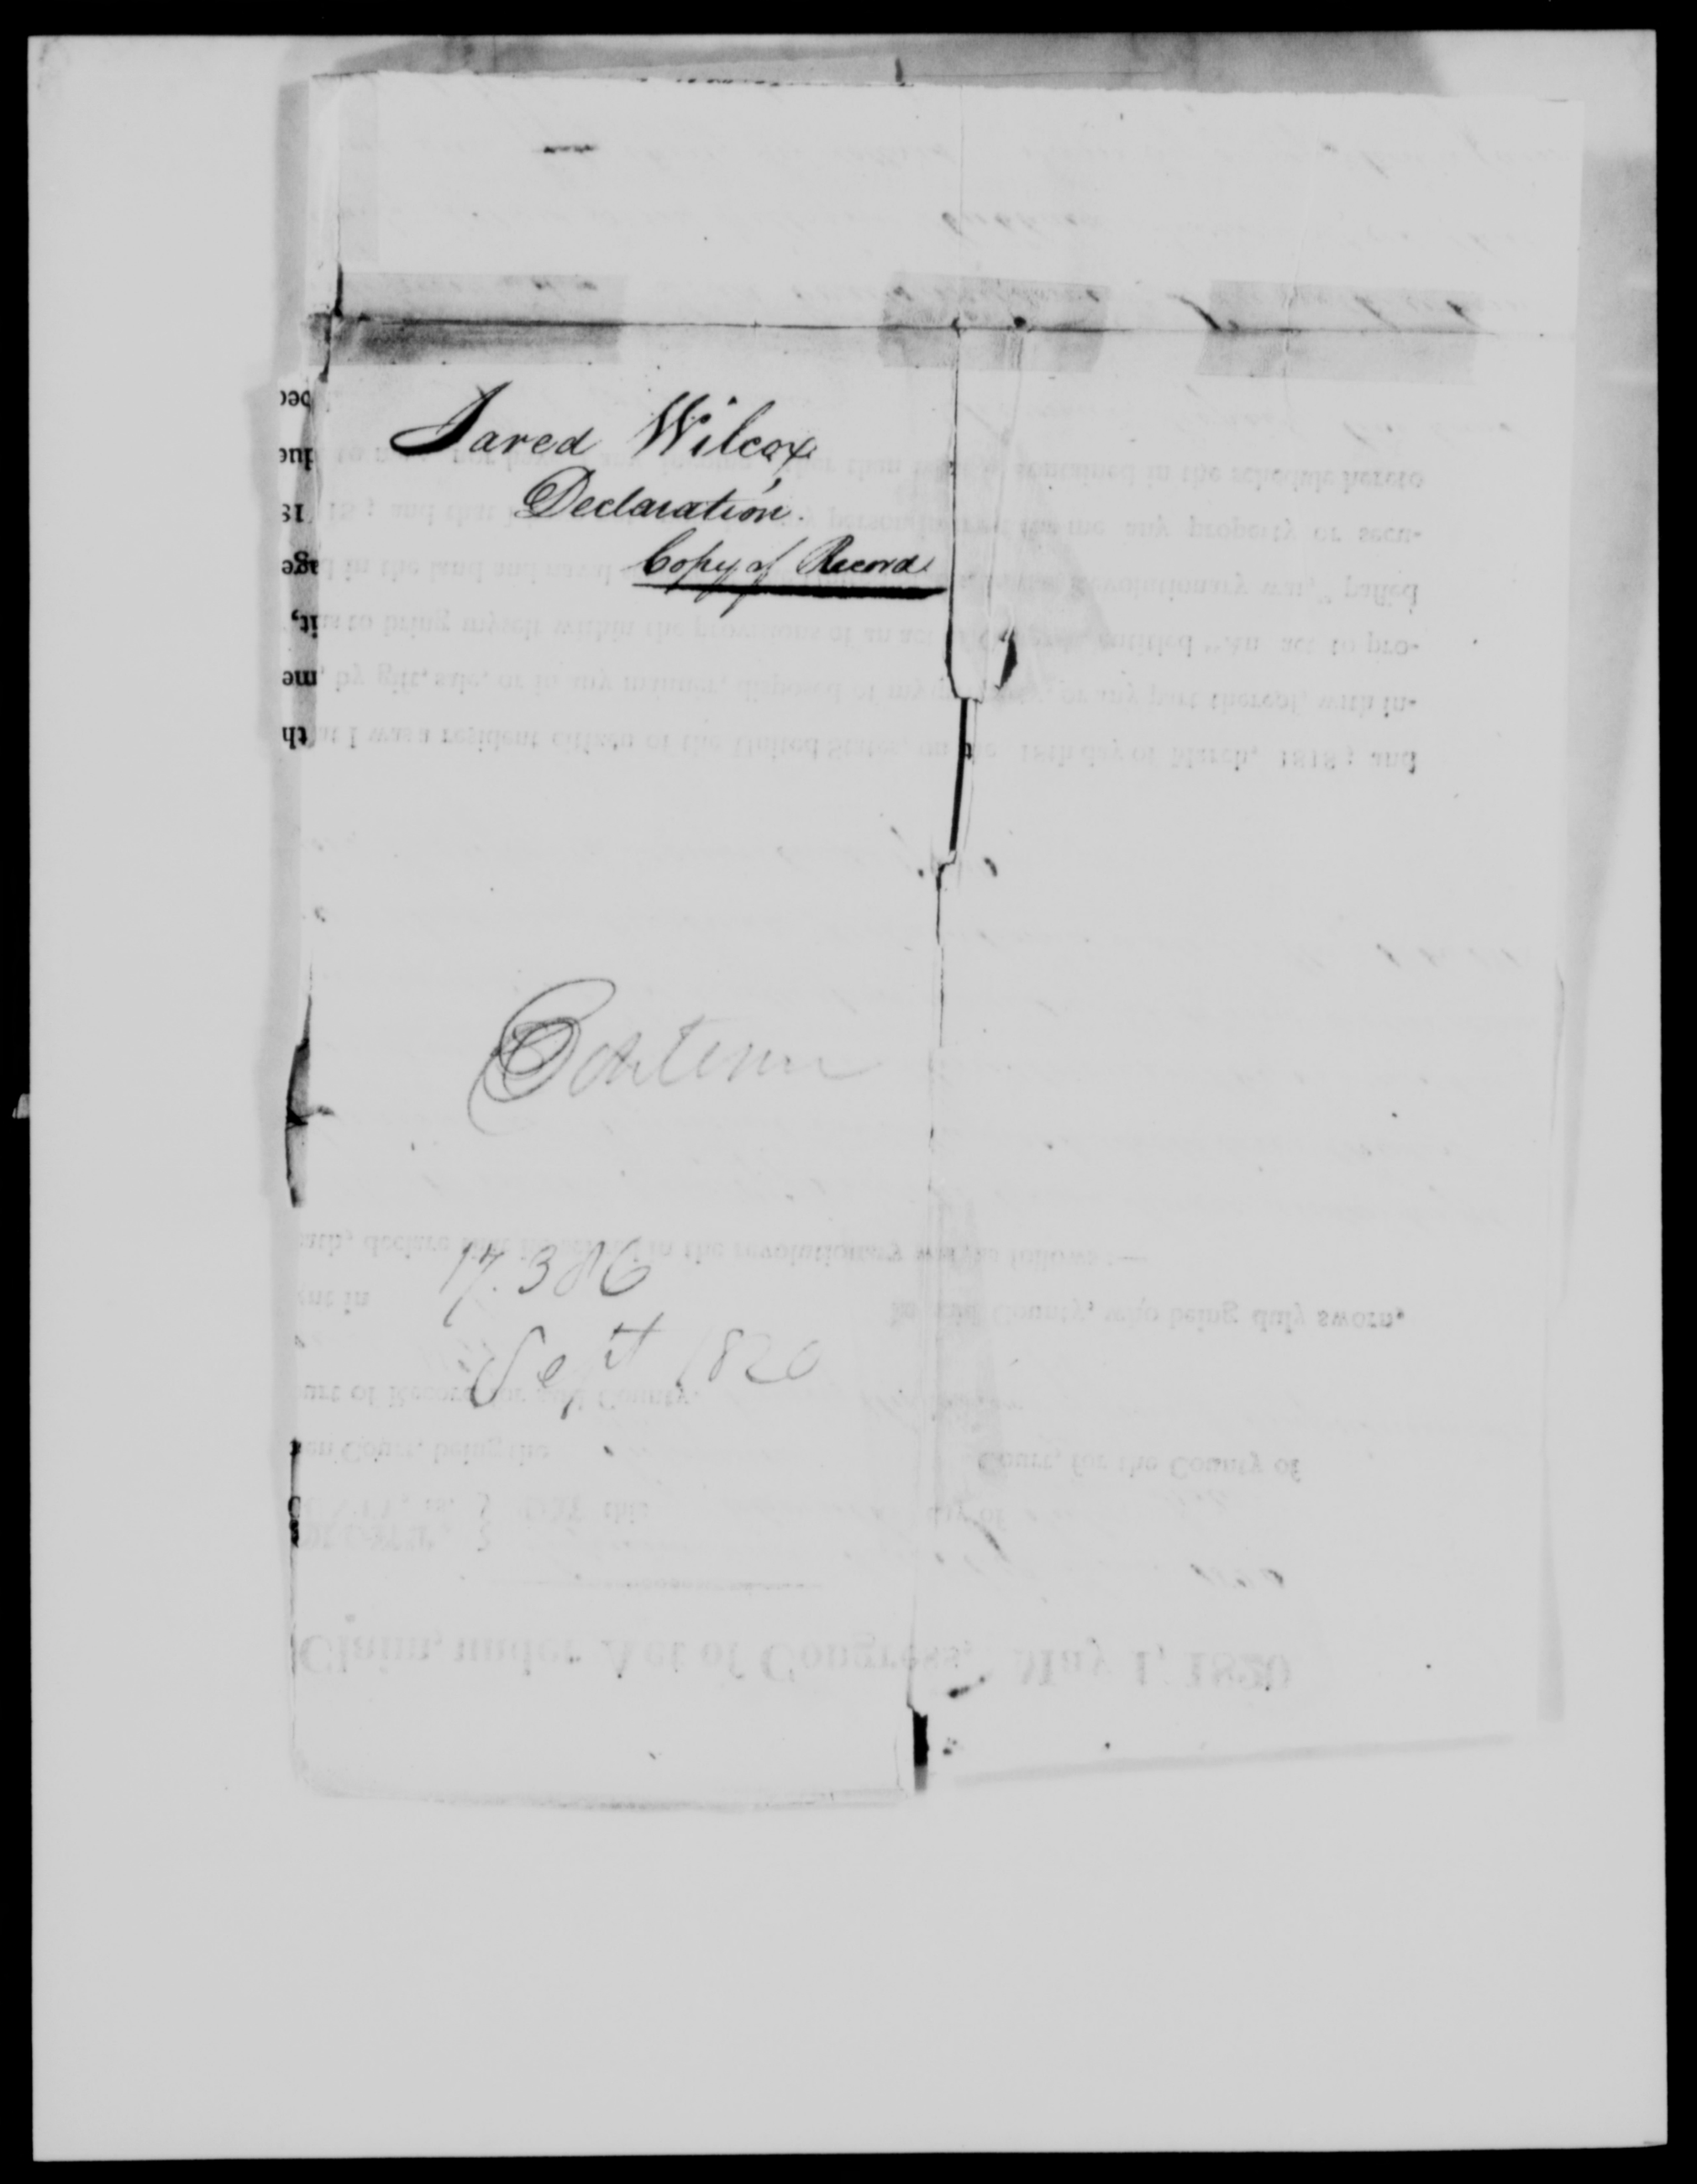Jared Wilcox
Declaration
Copy of Record


Continue

17.306
Sept 1820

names: Jared Wilcox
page: 3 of 34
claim: survivor's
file: S. 41337, Jared Wilcox, Continental Mass.